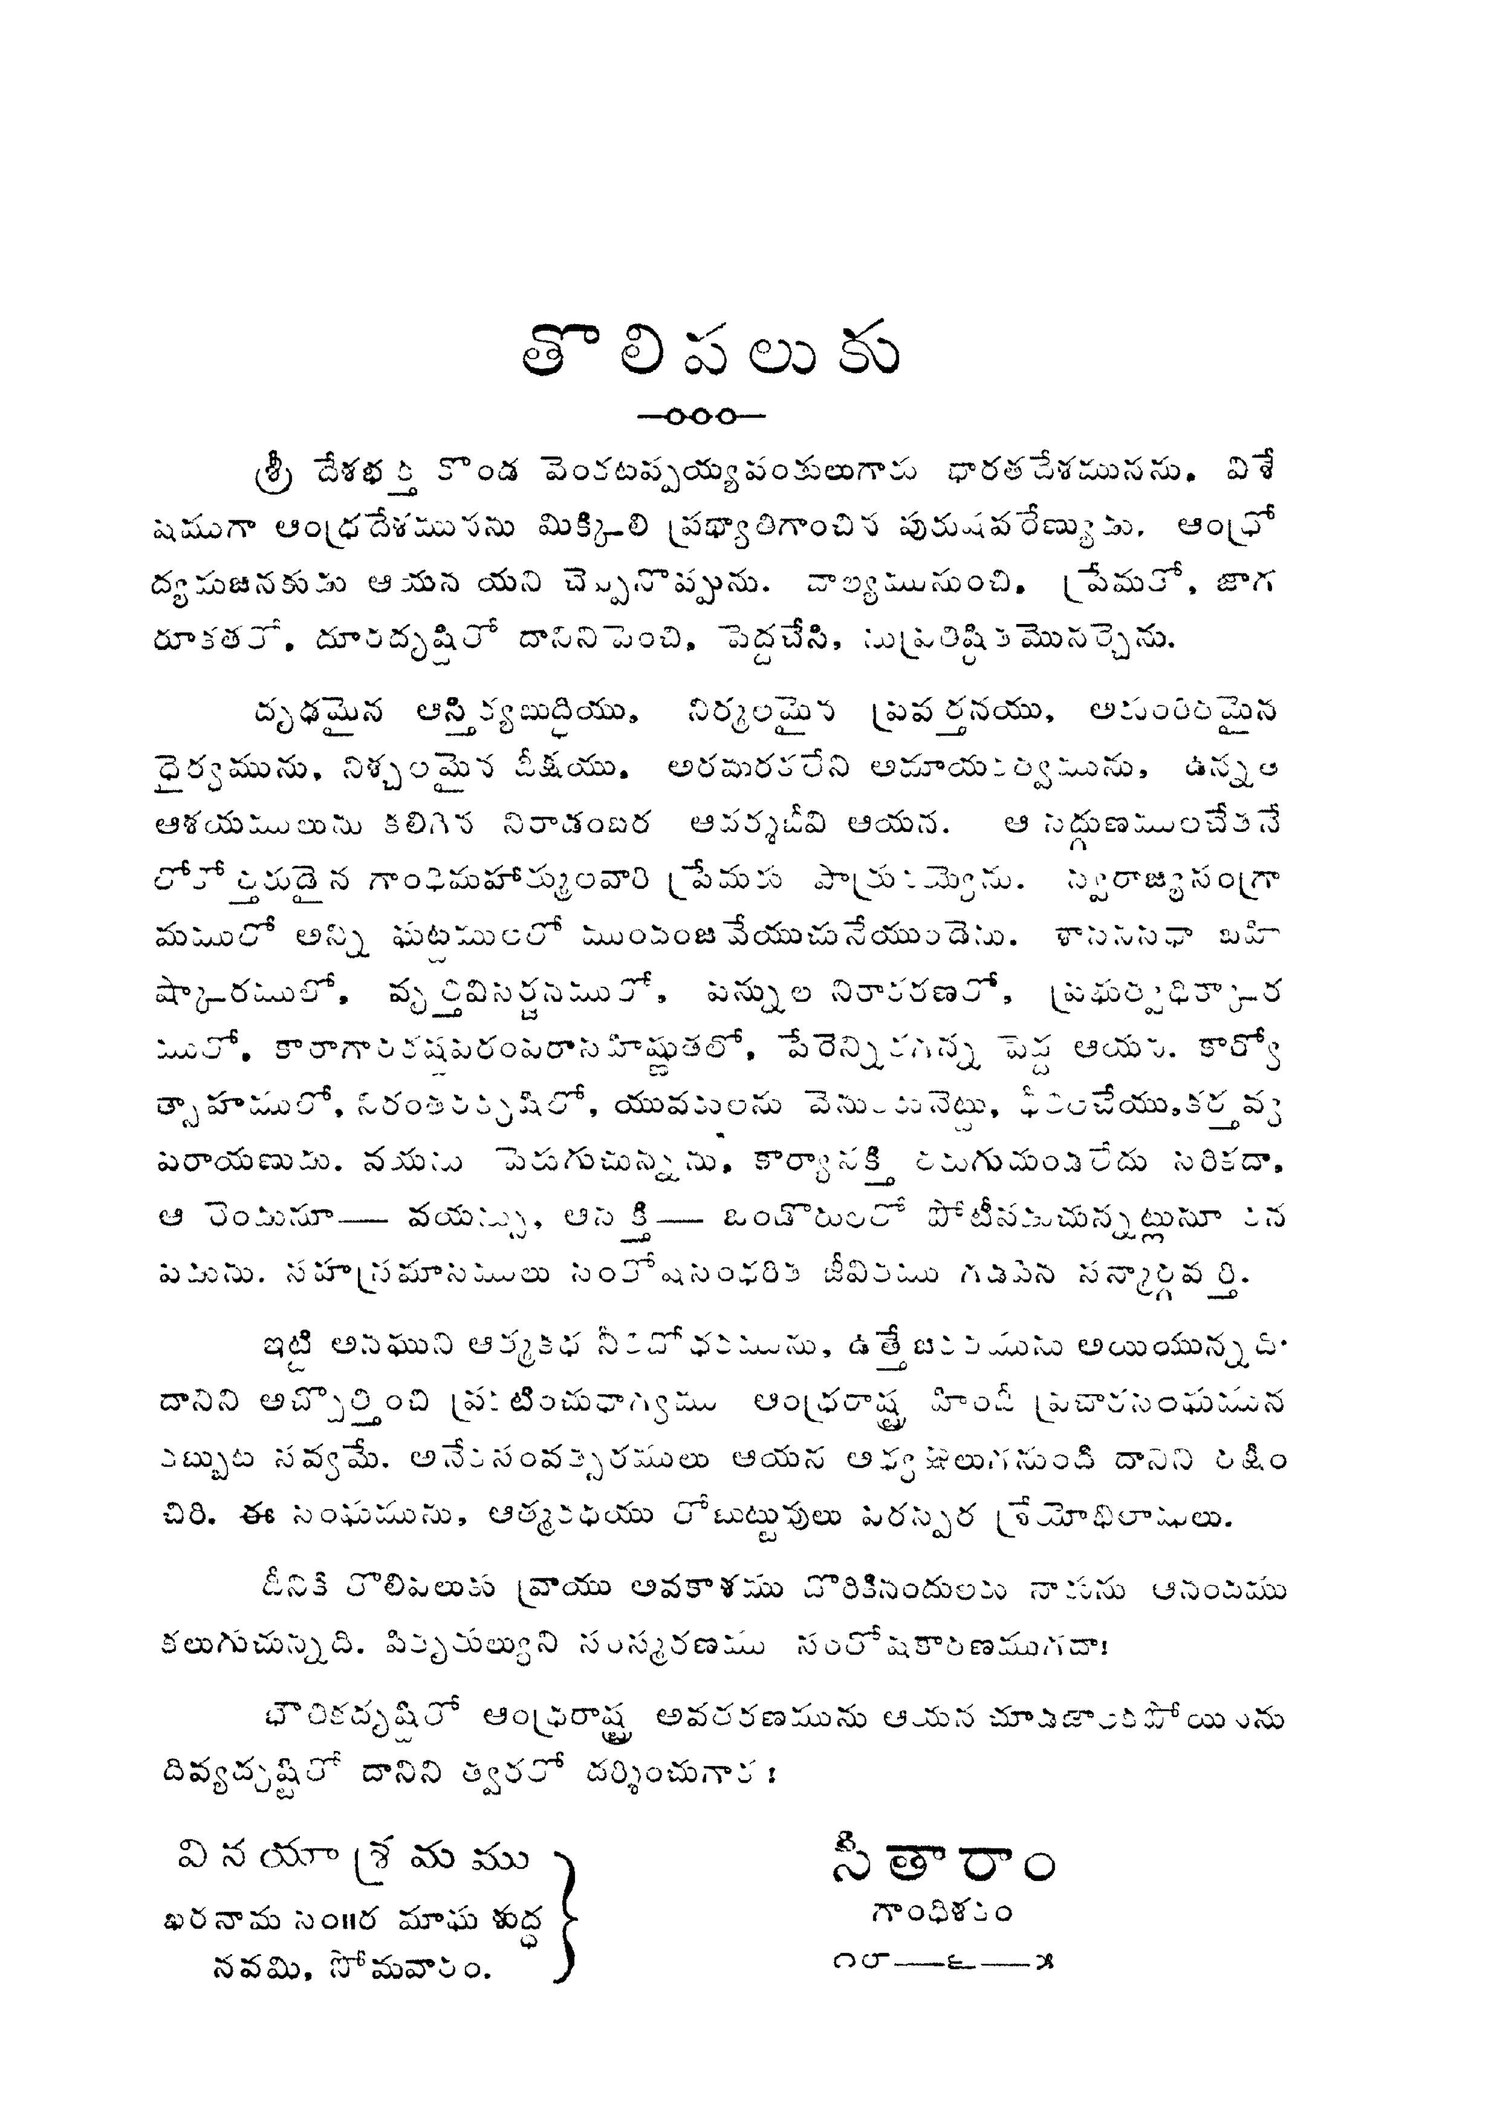శ్రీ దేశభక్త కొండ వెంకటప్పయ్య పంతులుగారు భారతదేశమునను, విశేషముగా ఆంధ్రదేశమునను మిక్కిలి ప్రఖ్యాతిగాంచిన పురుషవరేణ్యుడు. ఆంధ్రోద్యమ జనకుడు ఆయన యని చెప్పనొప్పును. బాల్యమునుంచి, ప్రేమతో, జాగరూకతతో, దూరదృష్టితో దానిని పెంచి, పెద్దచేసి, సుప్రతిష్ఠిత మొనర్చెను.

దృఢమైన ఆస్తిర్యబుద్ధియు, నిర్మలమైన ప్రవర్తనయు, అకుంఠితమైన ధైర్యమును, నిశ్చలమైన దీక్షయు, అరమరకలేని అమాయకత్వమును, ఉన్నత ఆశయములును కలిగిన నిరాడంబర ఆదర్శజీవి ఆయన. ఆ సద్గుణముల చేతనే లోకోత్తరుడైన గాంధీ మహాత్ములవారి ప్రేమకు పాత్రుడయ్యెను. స్వరాజ్య సంగ్రామములో అన్ని ఘట్టములలో ముందంజవేయుచునే యుండెను. శాసనసభా బహిష్కారములో, వృత్తివిసర్జనములో, పన్నుల నిరాకరణలో, ప్రభుత్వ ధిక్కారములో, కారాగారకష్టాపరంపరాసహిష్ణుతలో, పేరెన్నికగన్న పెద్ద ఆయన. కార్యోత్సాహములో, నిరంతకృషిలో, యువకులను వెనుకకునెట్టు, ధీరతచేయు కర్తవ్యపరాయణుడు. వయసు పెరుగుచున్నను, కార్యాసక్తి తరుగుతుడలేదు సరికదా, ఆ రెండునూ - వయస్సు, ఆసక్తి - ఒండొరులలో పోటీపడుచున్నట్లునూ కనపడును. సహస్రమాసములు సంతోషసంధరిత జీవితము గడపిన సన్మార్గవర్తి.

ఇట్టి అనఘుని ఆత్మకథ నీతిబోధకమును, ఉత్తేజకరమును అయియున్నది. దానిని అచ్చొత్తించి ప్రకటించుభాగ్యము ఆంధ్రరాష్ట్ర హిందీ ప్రచారసంఘమున కబ్బుట సవ్యమే. అనేక సంవత్సరములు ఆయన అధ్యక్షులుగనుండి దానిని రక్షించిరి. ఈ సంఘమును, ఆత్మకథయు తోబుట్టువులు పరస్పర శ్రేయోభిలాషులు. 

దీనికి తొలిపలుకు వ్రాయు అవకాశము దొరికినందులకు నాకును ఆనందము కలుగుచున్నది. పితృతుల్యుని సంస్మరణము సంతోషకారణముగదా !

భౌతికదృష్టితో ఆంధ్రరాష్ట్ర అవతరణమును ఆయన చూడజాలకపోయినను దివ్యదృష్టితో దానిని త్వరలో దర్శించుగాక !

వినయాశ్రమము

ఖరనామ సం||ర మాఘ శుద్ధ నవమి, సోమవారం.

సీతారాం

గాంధీశకం

18 - 6 - 5